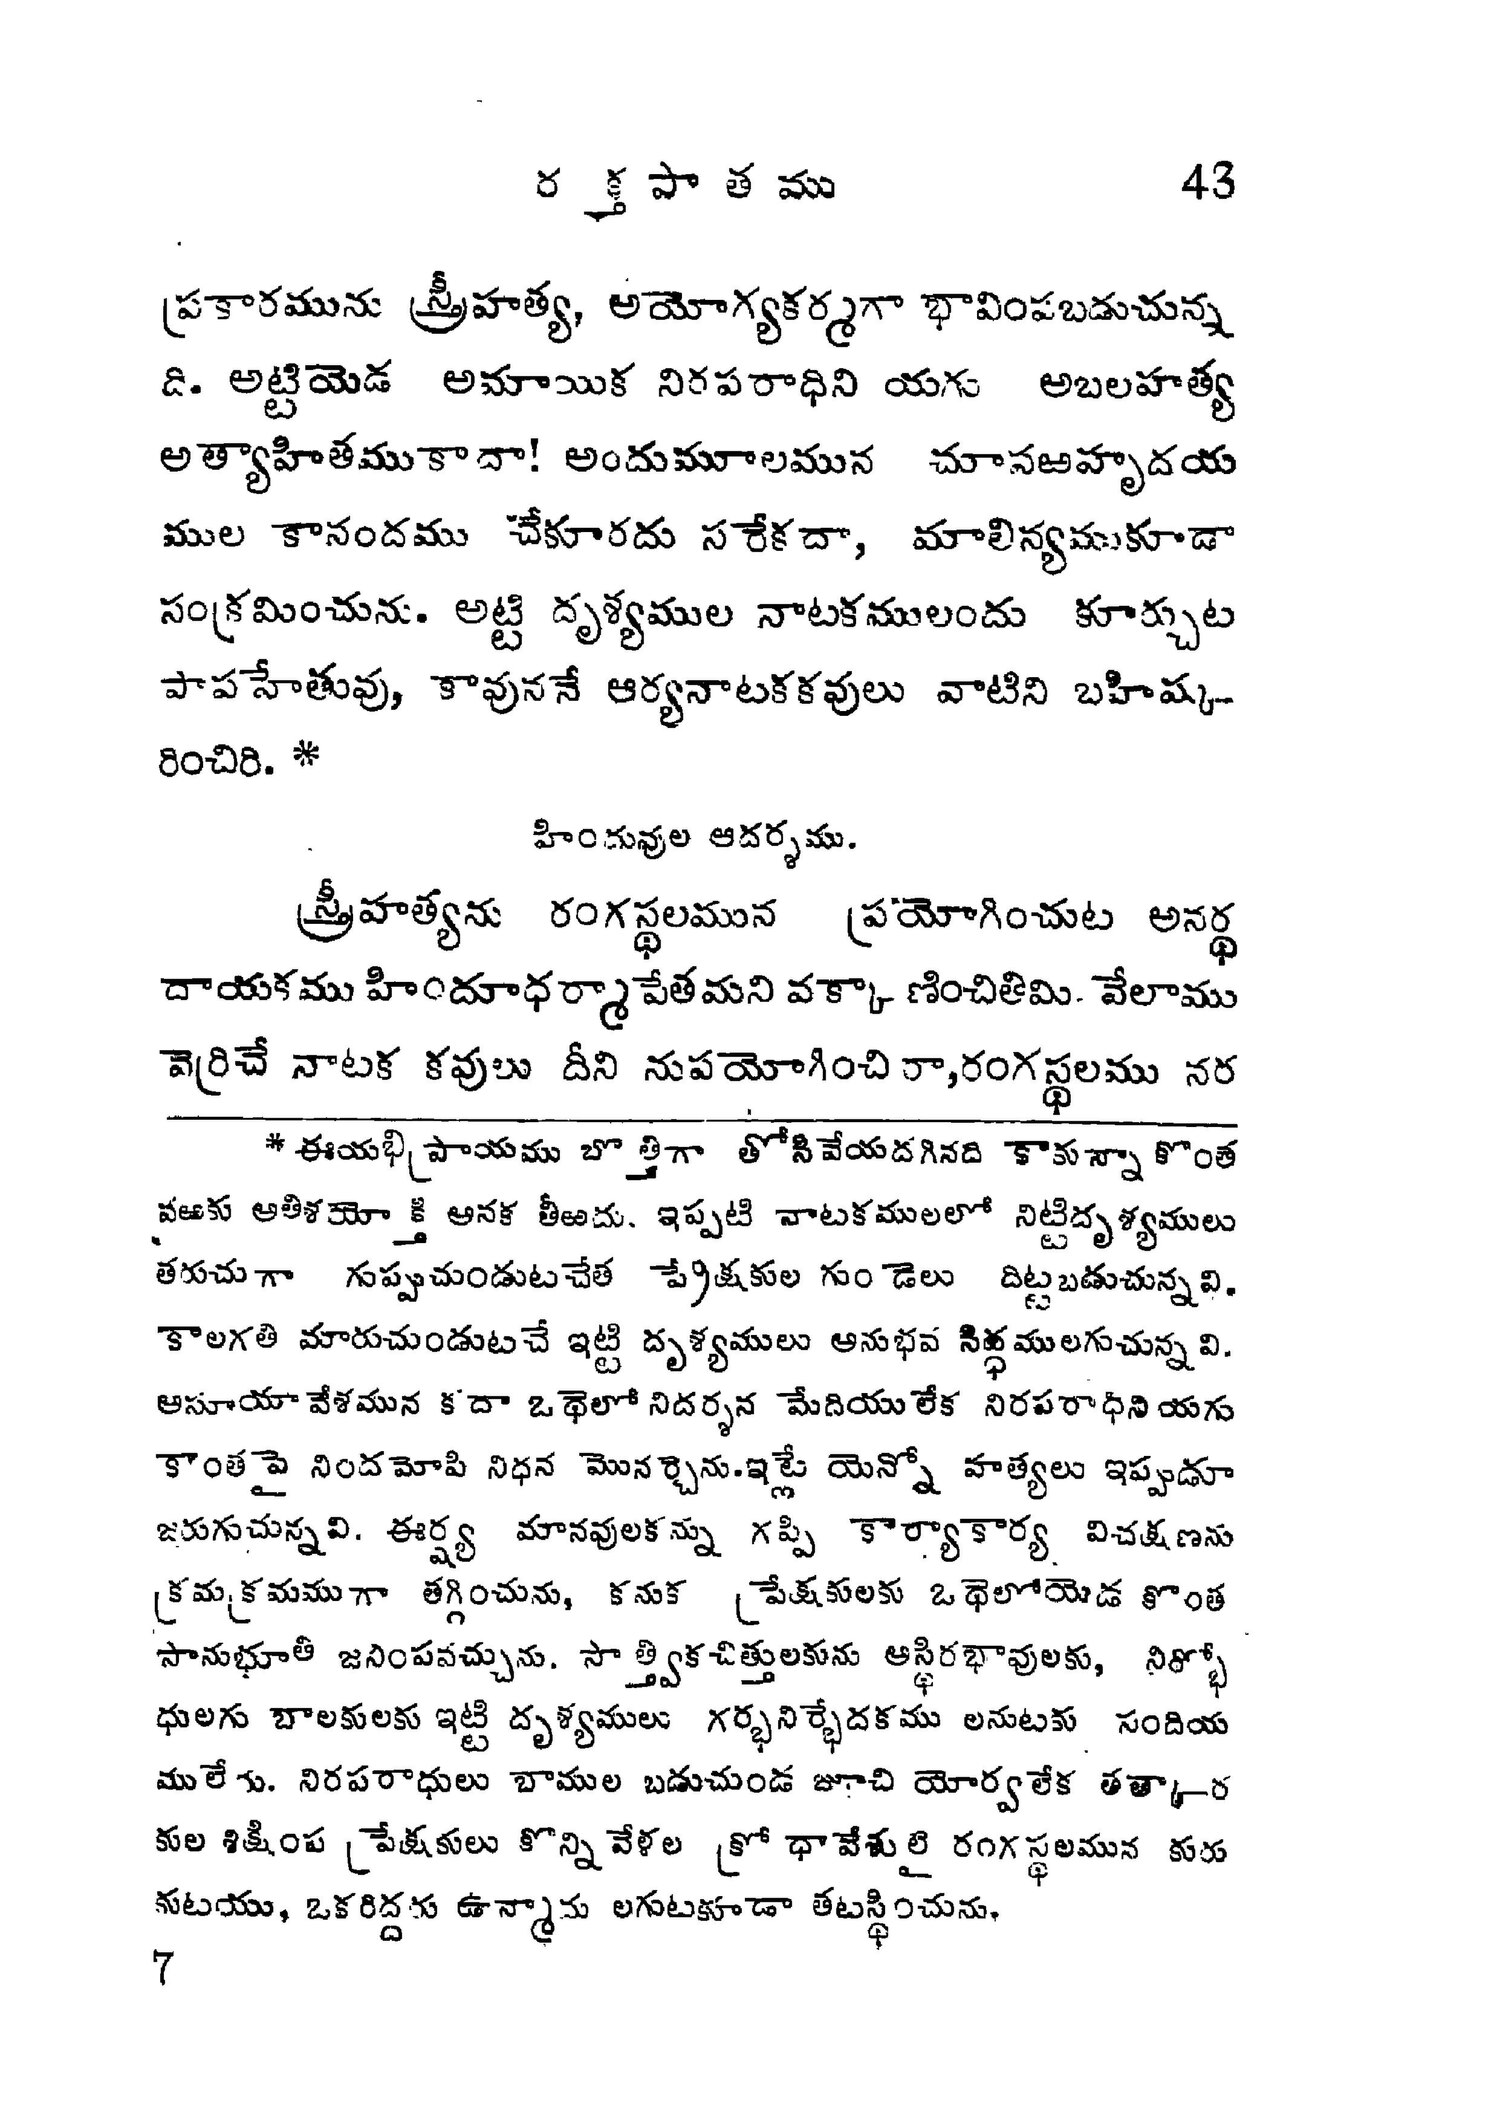ప్రకారమును స్త్రీహత్య, అయోగ్యకర్మగా భావింపబడుచున్నది. అట్టియెడ అమాయిక నిరపరాధిని యగు అబలహత్య అత్యాహితముకాదా! అందుమూలమున చూపఱహృదయముల కానందము చేకూరదు సరేకదా, మాలిన్యముకూడా సంక్రమించును. అట్టి దృశ్యముల నాటకములందు కూర్చుట పాపహేతువు, కావుననే ఆర్యనాటకకవులు వాటిని బహిష్కరించిరి. 

స్త్రీహత్యను రంగస్థలమున ప్రయోగించుట అనర్థ దాయకము హిందూధర్మాపేతమని వక్కా ణించితిమి. వేలామువెర్రిచే నాటక కవులు దీని నుపయోగించి రా, రంగస్థలము నర